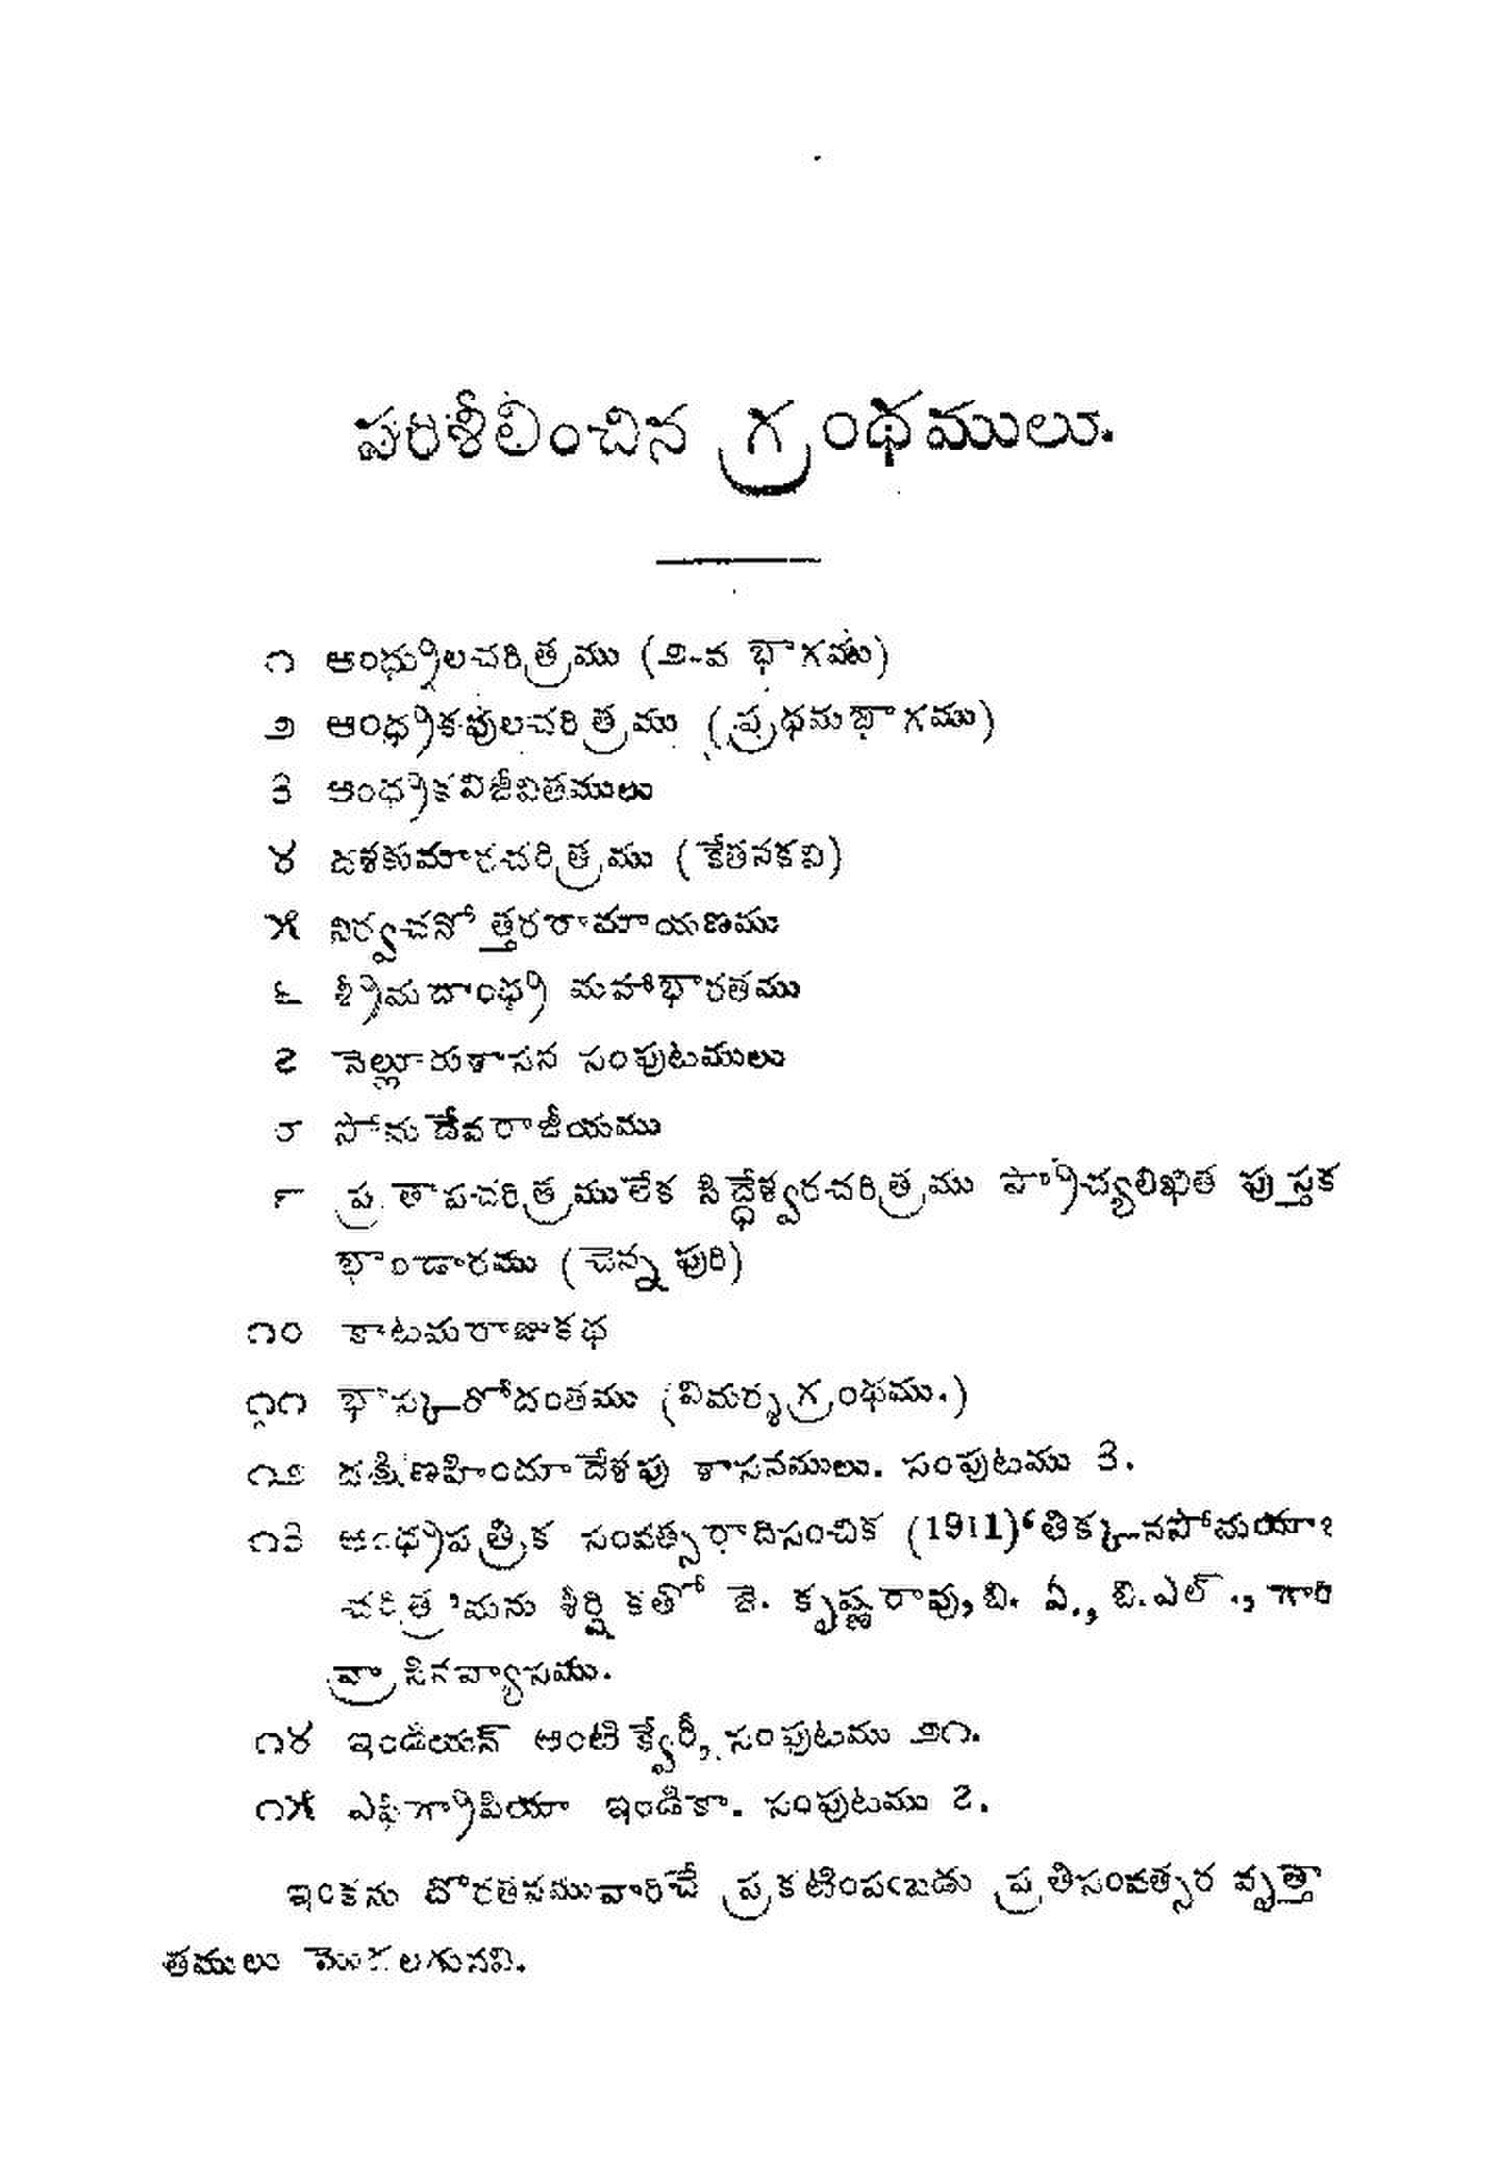పరిశీలించిన గ్రంథములు

1. ఆంధ్రులచరిత్రము (2-వ భాగము)

2. ఆంధ్రకవులచరిత్రము (ప్రథమభాగము)

3. ఆంధ్రకవిజీవితములు

4. దశకుమారచరిత్రము (కేతనకవి)

5. నిర్వచనోత్తరరామాయణము

6. శ్రీమదాంధ్ర మహాభారతము

7. నెల్లూరుశాసన సంపుటములు

8. సోమదేవరాజీయము

9. ప్రతాపచరిత్రములేక సిద్ధేశ్వరచరిత్రము ప్రాచ్యలిఖిత పుస్తక భాండారము (చెన్నపురి)

10. కాటమరాజుకథ

11. భాస్కరోదంతము (విమర్శగ్రంథము)

12. దక్షిణహిందూదేశపు శాసనములు. సంపుటము 3.

13. ఆంధ్రపత్రిక సంవత్సరాదిసంచిక (1911) 'తిక్కనసోమయాజి చరిత్ర'మను శీర్షికతో జె. కృష్ణారావు, బి. ఏ., బి. ఎల్., గారి వ్రాసినవ్యాసము.

14. ఇండియన్ ఆంటిక్వేరీ, సంపుటము 21.

15. ఎఫిగ్రాపియా ఇండికా. సంపుటము 7.

ఇంకను దొరతనమువారిచే ప్రకటింపఁబడు ప్రతిసంవత్సర వృత్తాంతములు మొదలగునవి.